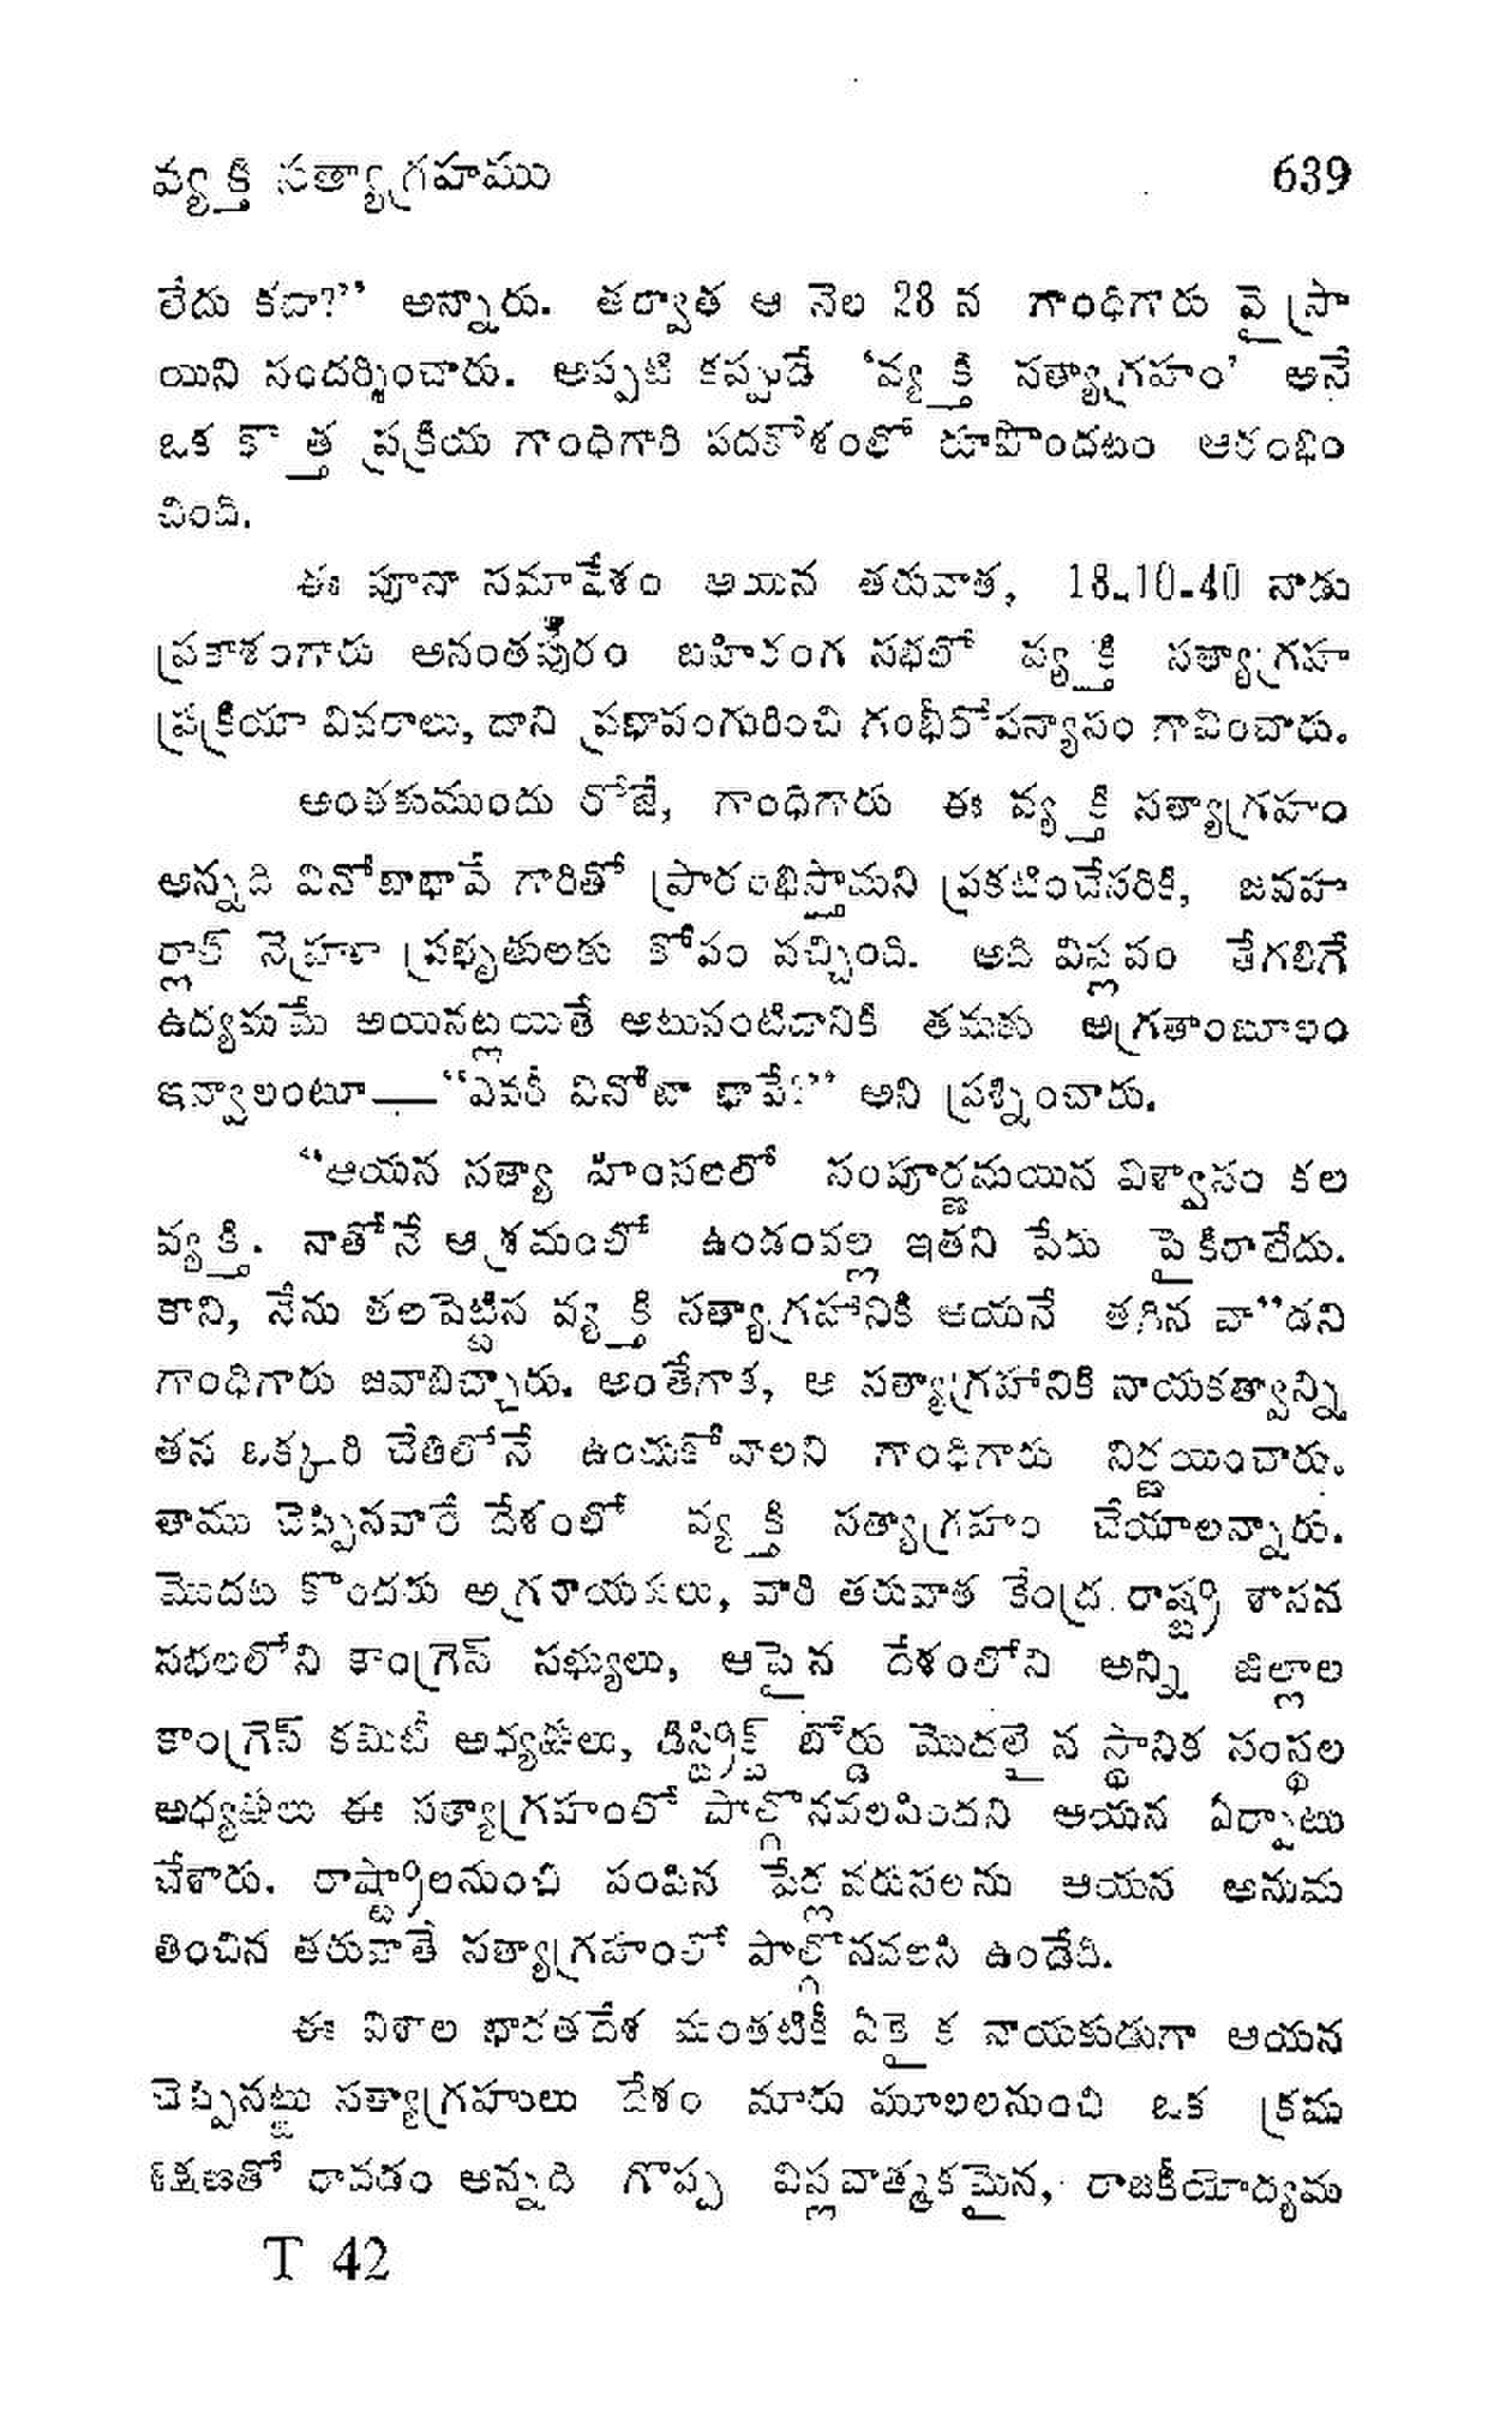లేదు కదా?" అన్నారు. తర్వాత ఆ నెల 28 న గాంధీగారు వైస్రాయిని సందర్శించారు. అప్పటి కప్పుడే 'వ్యక్తి సత్యాగ్రహం' అనే ఒక కొత్త ప్రక్రియ గాంధీగారి పదకోశంలో రూపొందటం ఆరంభించింది.

ఈ పూనా సమావేశం అయిన తరువాత, 18-10-40 నాడు ప్రకాశంగారు అనంతపురం బహిరంగ సభలో వ్యక్తి సత్యాగ్రహ ప్రక్రియా వివరాలు, దాని ప్రభావంగురించి గంభీరోపన్యాసం గావించారు.

అంతకుముందు రోజే, గాంధిగారు ఈ వ్యక్తి సత్యాగ్రహం అన్నది వినోబాభావే గారితో ప్రారంభిస్తామని ప్రకటించేసరికి, జవహర్లాల్ నెహ్రూ ప్రభృతులకు కోపం వచ్చింది. అది విప్లవం తేగలిగే ఉద్యమమే అయినట్లయితే అటువంటిదానికి తమకు అగ్రతాంబూలం ఇవ్వాలంటూ - "ఎవరీ వినోబా భావే?" అని ప్రశ్నించారు.

"ఆయన సత్యా హింసలలో సంపూర్ణమయిన విశ్వాసం కలవ్యక్తి. నాతోనే ఆశ్రమంలో ఉండంవల్ల ఇతని పేరు పైకిరాలేదు. కాని, నేను తలపెట్టిన వ్యక్తి సత్యాగ్రహానికి ఆయనే తగిన వా"డని గాంధిగారు జవాబిచ్చారు. అంతేగాక, ఆ సత్యాగ్రహానికి నాయకత్వాన్ని తన ఒక్కరి చేతిలోనే ఉంచుకోవాలని గాంధిగారు నిర్ణయించారు. తాము చెప్పినవారే దేశంలో వ్యక్తి సత్యాగ్రహం చేయాలన్నారు. మొదట కొందరు అగ్రనాయకులు, వారి తరువాత కేంద్ర రాష్ట్ర శాసన సభలలోని కాంగ్రెస్ సభ్యులు, ఆపైన దేశంలోని అన్ని జిల్లాల కాంగ్రెస్ కమిటీ అధ్యక్షులు, డిస్ట్రిక్ట్ బోర్డు మొదలైన స్థానిక సంస్థల అధ్యక్షులు ఈ సత్యాగ్రహంలో పాల్గొనవలసిందని ఆయన ఏర్పాటు చేశారు. రాష్ట్రాలనుంచి పంపిన పేర్ల వరుసలను ఆయన అనుమతించిన తరువాతే సత్యాగ్రహంలో పాల్గొనవలసి ఉండేది.

ఈ విశాల భారతదేశ మంతటికీ ఏకైక నాయకుడుగా ఆయన చెప్పినట్టు సత్యాగ్రహులు దేశం మారు మూలలనుంచి ఒక క్రమశిక్షణతో రావడం అన్నది గొప్ప విప్లవాత్మకమైన, రాజకీయోద్యమ